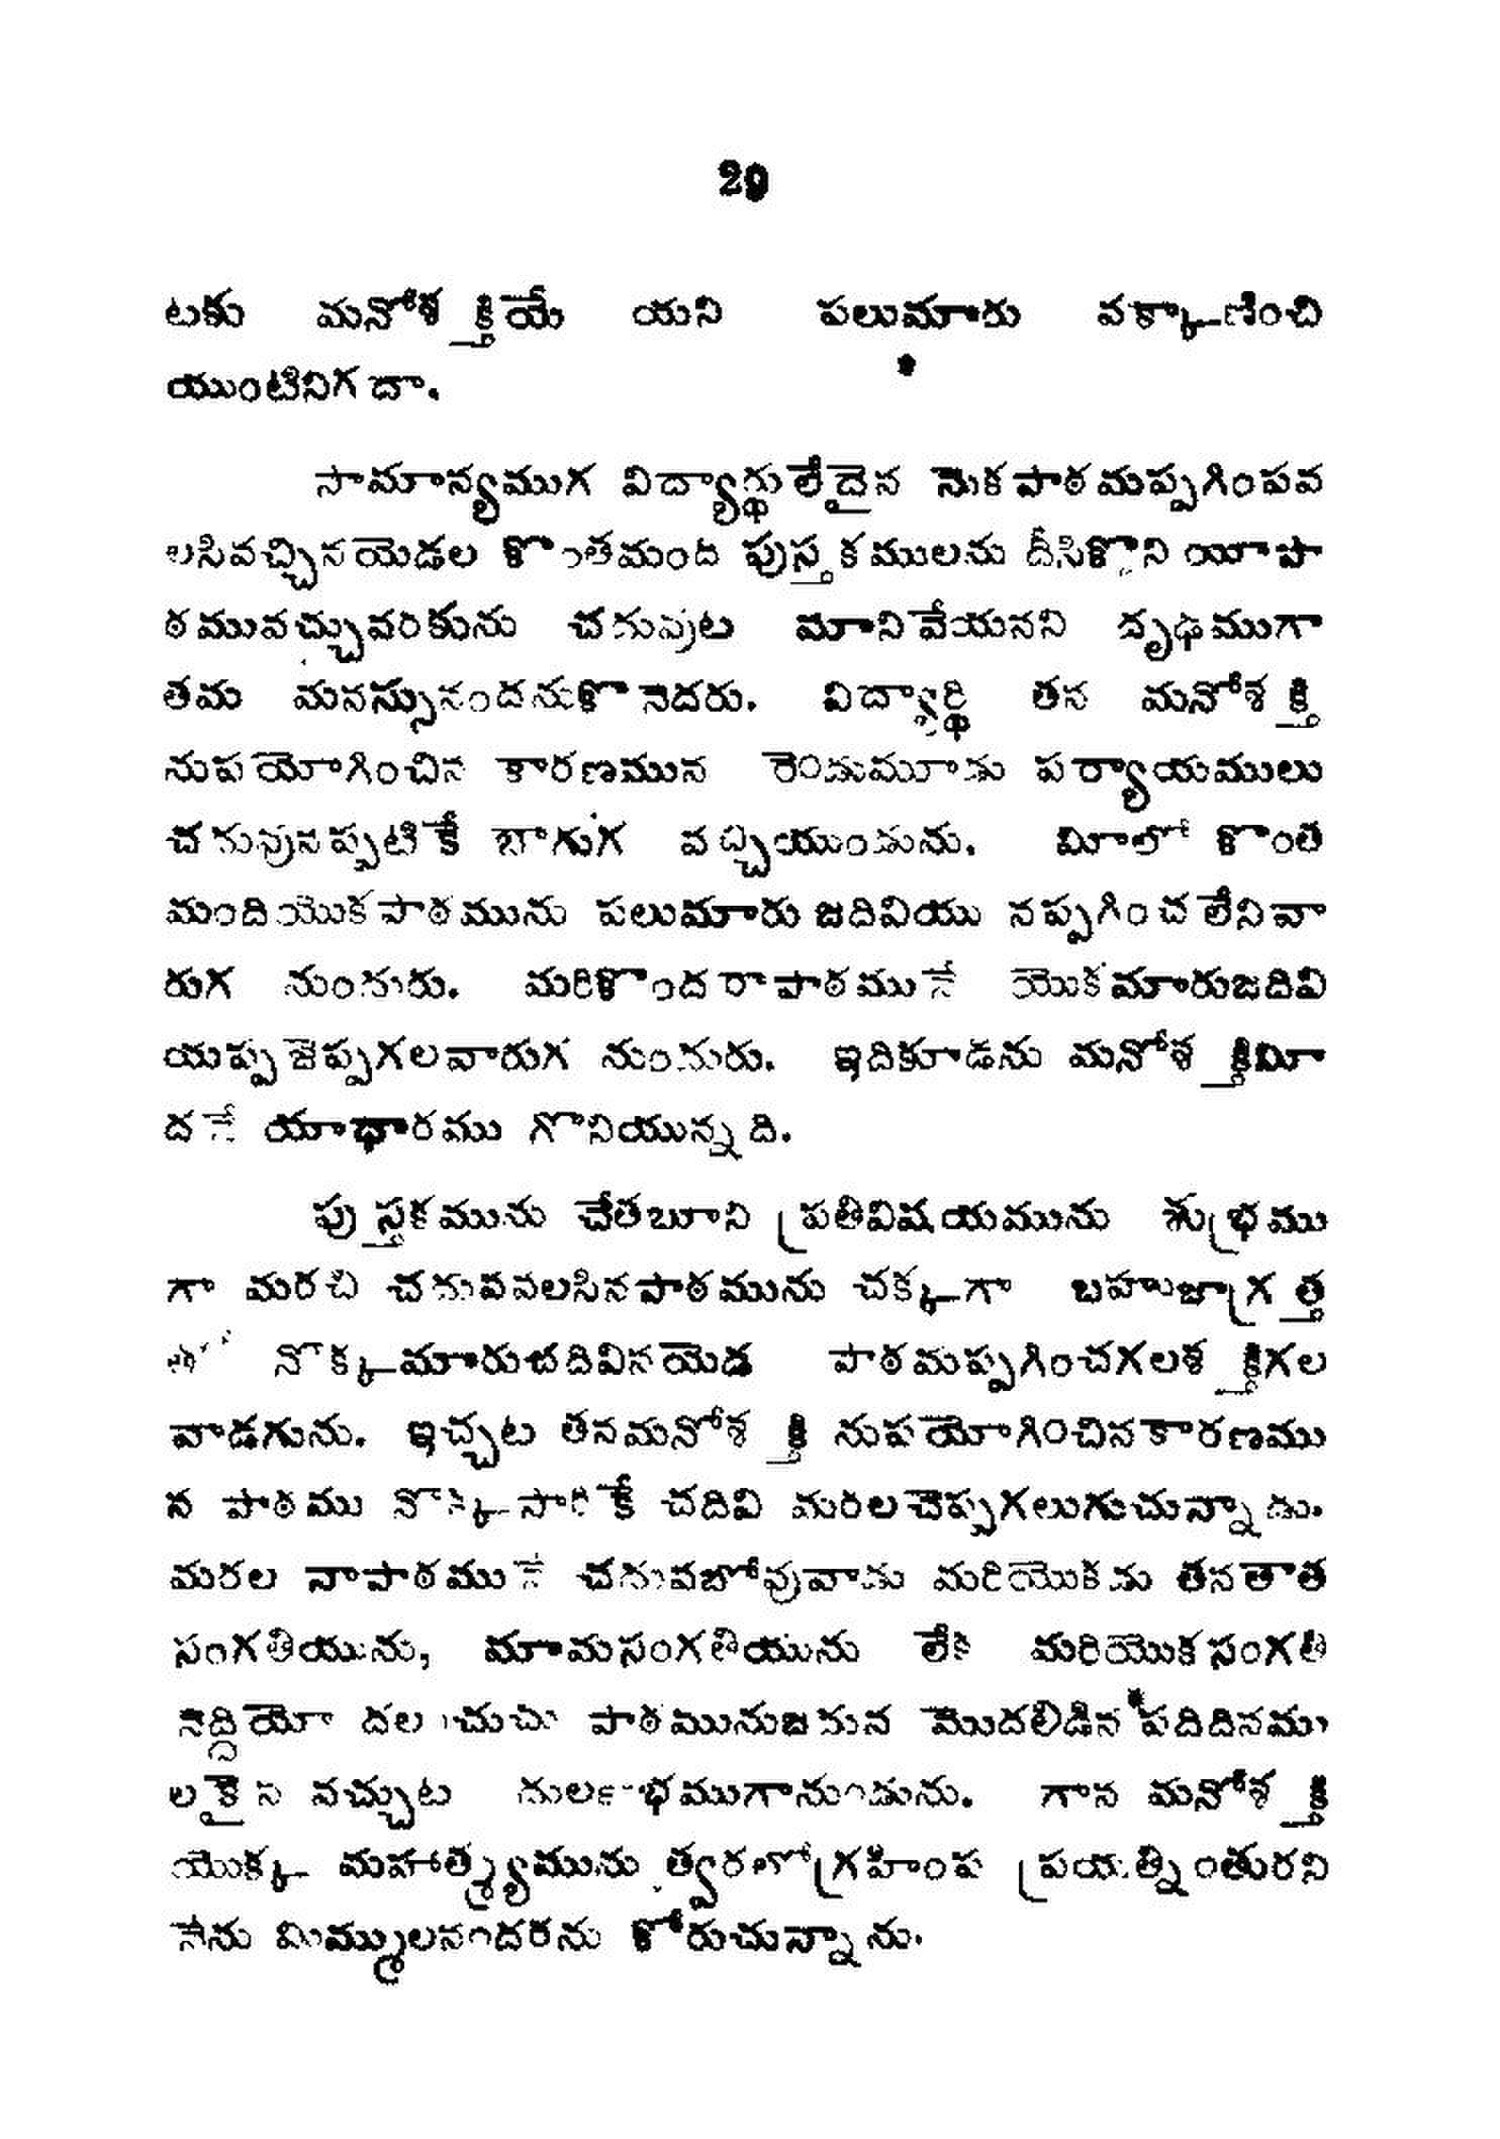టకు మనోశక్తియే యని పలుమారు వక్కాణించి యుంటినిగదా.

సామాన్యముగ విద్యార్థులేదైన నొకపాఠమప్పగింపవలసివచ్చినయెడల కొంతమంది పుస్తకములను దీసికొని యీపాఠమువచ్చువరకును చదువుట మానివేయనని దృఢముగా తమ మనస్సునందను కొనెదరు. విద్యార్థి తన మనోశక్తి నుపయోగించిన కారణమున రెండుమూడు పర్యాయములు
చదువునప్పటికే బాగుగ వచ్చియుండును. మీలో కొంతమంది యొక పాఠమును పలుమారు జదివియు నప్పగించలేనివారుగ నుందురు. మరికొందరాపాఠమునే యొకమారుజదివి యప్పజెప్పగల వారుగ నుందురు. ఇదికూడను మనోశక్తిమీదనే యాధారము గొనియున్నది.

పుస్తకమును చేతబూని ప్రతివిషయమును శుభ్రముగా మరచి చదువవలసినపాఠమును చక్కగా బహుజాగ్రత్తతో నొక్కమారుచదివినయెడ పాఠమప్పగించగలశక్తిగల వాడగును. ఇచ్చట తనమనోశ క్తి నుపయోగించినకారణమున పాఠము నొక్కసారికే చదివి మరల చెప్పగలుగుచున్నాడు. మరల నాపాఠమునే చదువబోవువాడు మరియొకడు తనతాత సంగతియును, మామసంగతియును లేక మరియొకసంగతి నెద్దియో దలచుచు, పాఠమునుజదువ మొదలిడిన పదిదినములకైన వచ్చుట దులన్‌భముగానుండును. గాన మనోశక్తి యొక్క మహాత్మ్యమును త్వరలోగ్రహింప ప్రయత్నింతురని
నేను మిమ్ములనందరను కోరుచున్నాను.